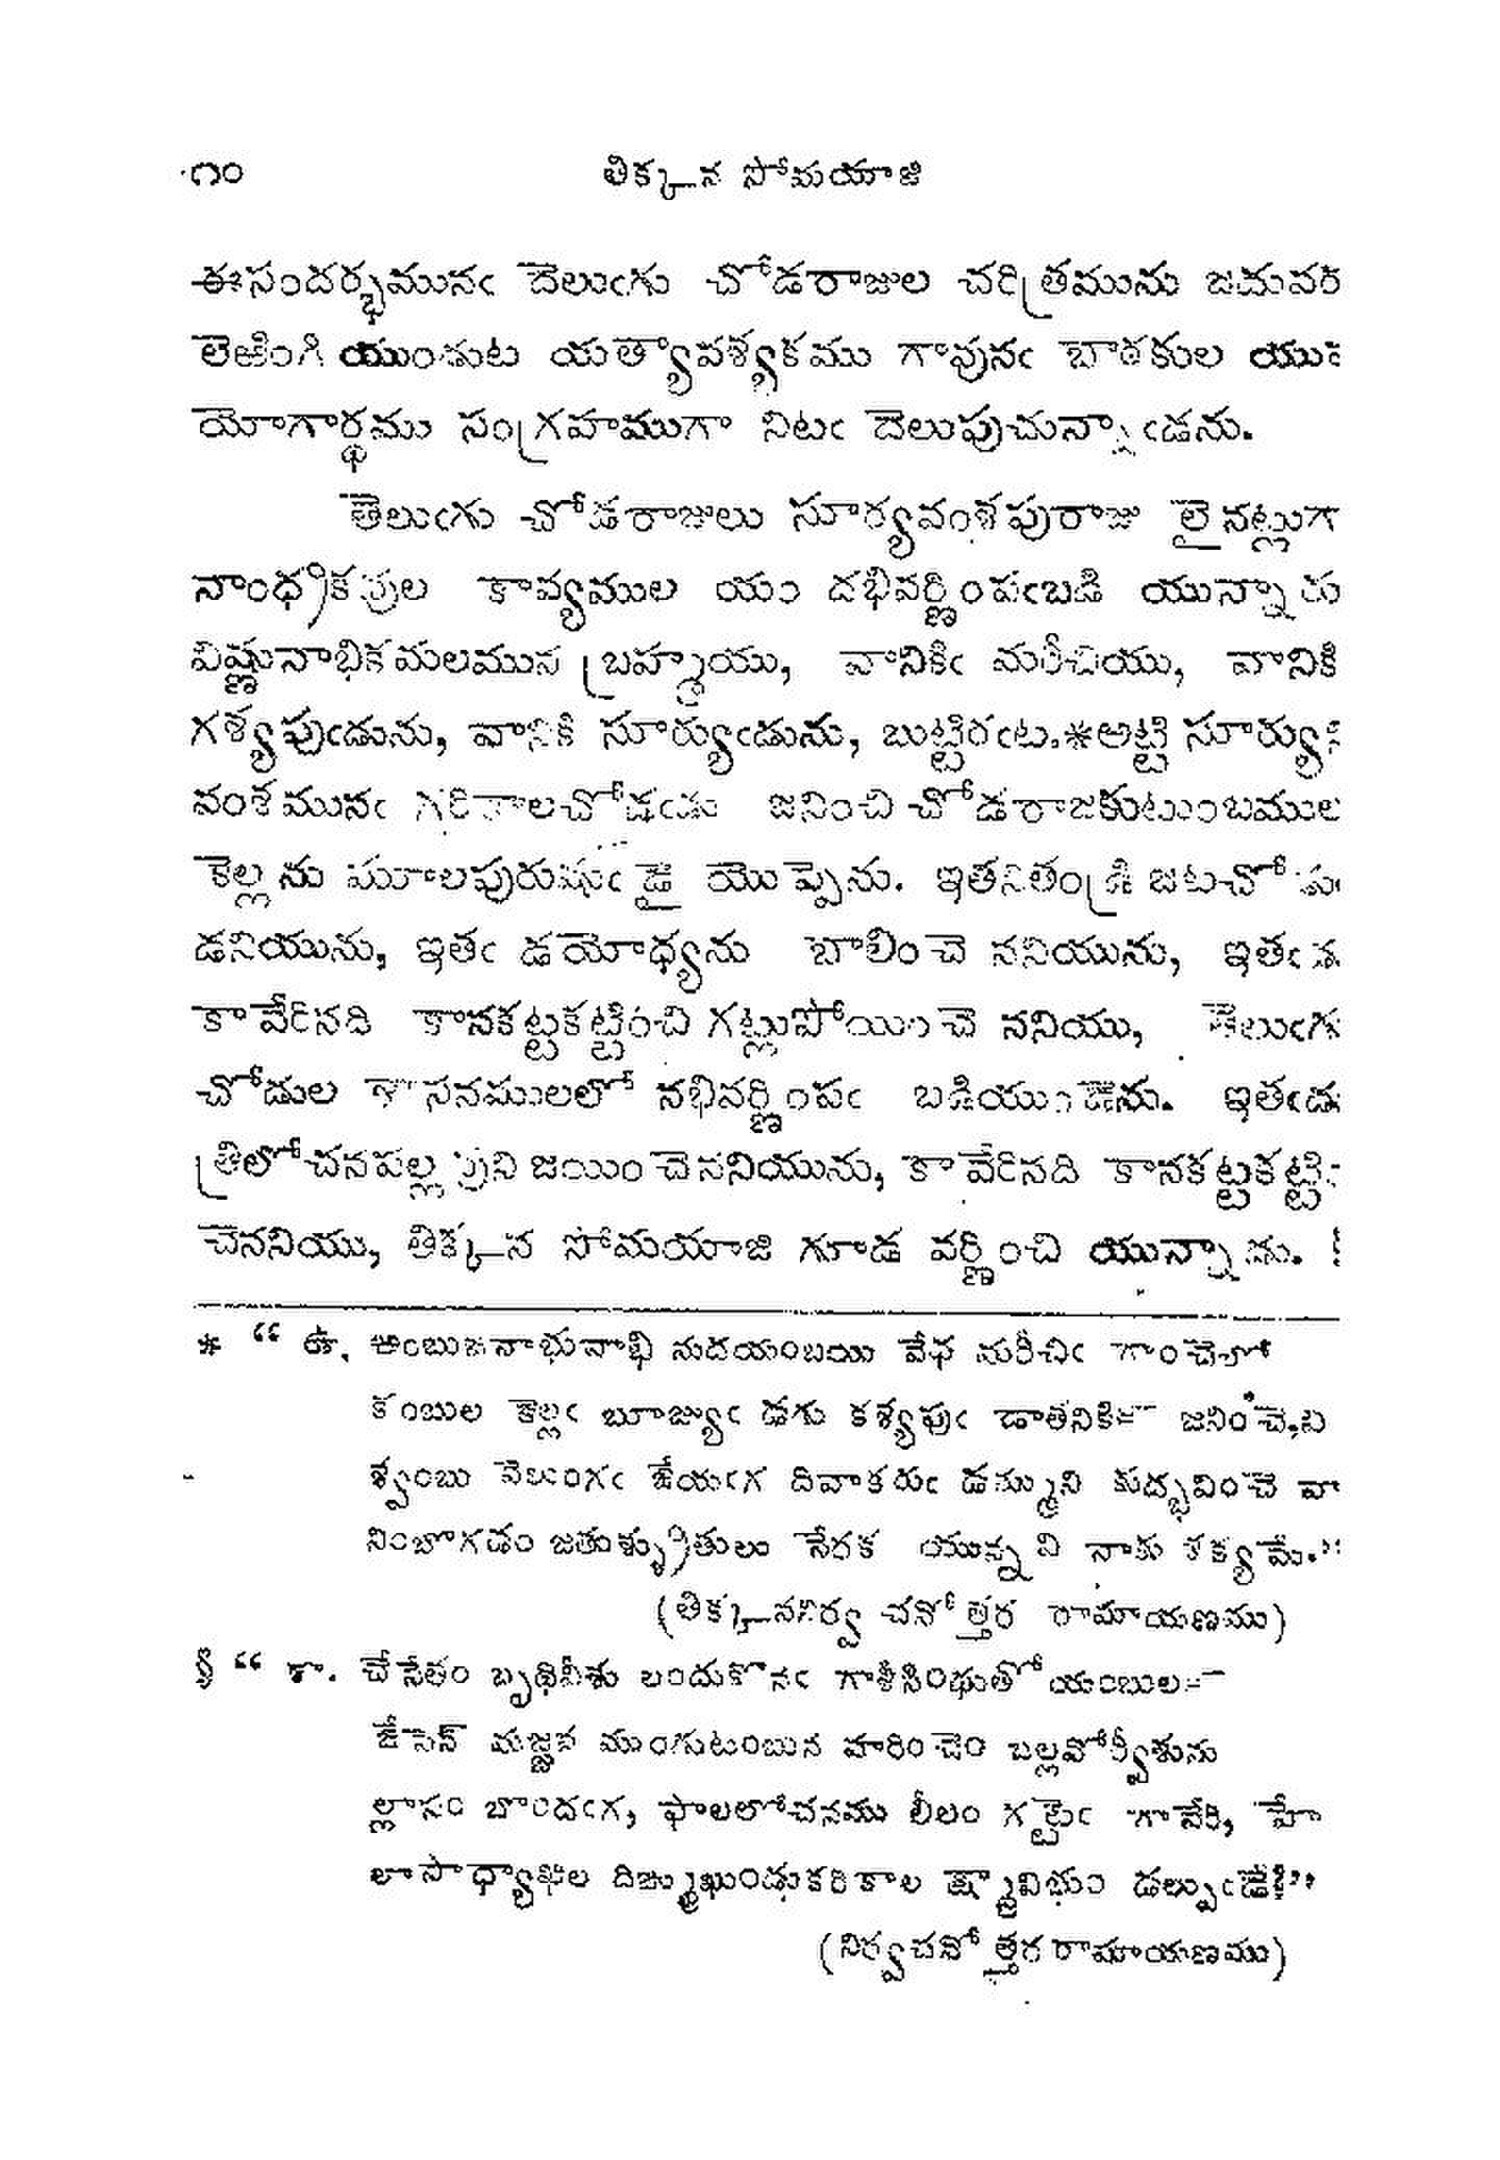ఈసందర్భమునఁ దెలుఁగు చోడరాజుల చరిత్రమును జదువరు లెఱింగి యుండుట యత్యావశ్యకము గావునఁ బాఠకుల యుపయోగార్థము సంగ్రహముగా నిటఁ దెలుపుచున్నాఁడను.

తెలుఁగు చోడరాజులు సూర్యవంశపురాజు లైనట్లుగా నాంధ్రకవుల కావ్యముల యం దభివర్ణింపఁబడి యున్నారు విష్ణునాభికమలమున బ్రహ్మయు, వానికిఁ మరీచియు, వానికి గశ్యపుఁడును, వానికి సూర్యుఁడును, బుట్టిరఁట. అట్టి సూర్యుని వంశమునఁ గరికాలచోడఁడు జనించి చోడరాజకుటుంబముల కెల్లను మూలపురుషుఁడై యొప్పెను. ఇతనితండ్రి జటచోడు డనియును, ఇతఁ డయోధ్యను బాలించె ననియును, ఇతఁడు కావేరినది కానకట్టకట్టించి గట్లుపోయించె ననియు, తెలుఁగు చోడుల శాసనములలో నభినర్ణింపఁ బడియుండెను. ఇతఁడు త్రిలోచనపల్లవుని జయించెననియును, కావేరినది కానకట్టకట్టిం చెననియు, తిక్కన సోమయాజి గూడ వర్ణించి యున్నాడు.